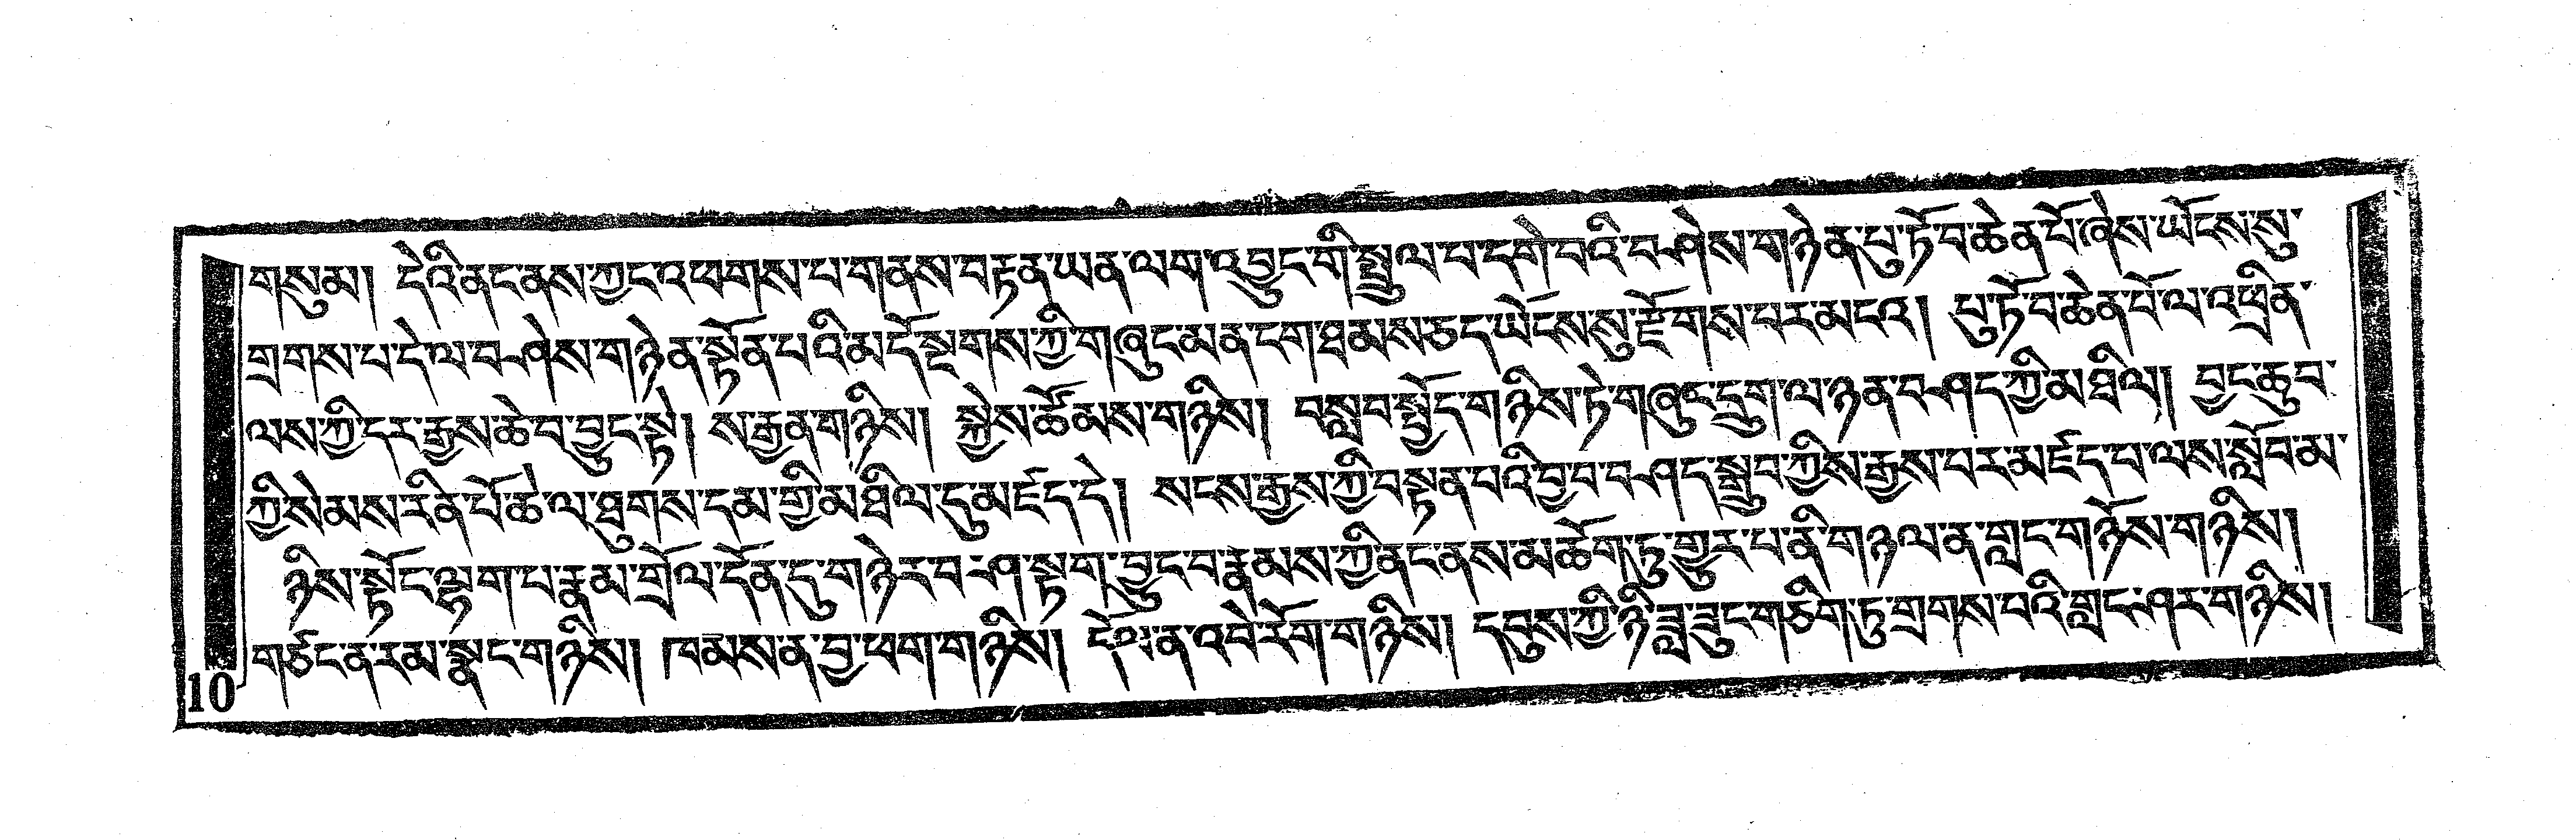གསུམ། དེའི་ནང་ནས་ཀྱང་འཕགས་པ་གནས་བརྟན་ཡན་ལག་འབྱུང་གི་སྤྲུལ་པ་དགེ་བའི་བཤེས་གཉེན་པུ་ཏོ་བ་ཆེན་པོ་ཞེས་ཡོངས་སུ་
གྲགས་པ་དེ་ལ་བཤེས་གཉེན་སྟོན་པའི་མདོ་སྔགས་ཀྱི་གཞུང་མན་ངག་ཐམས་ཅད་ཡོངས་སུ་རྫོགས་པར་མངའ། པུ་ཏོ་བ་ཆེན་པོ་ལ་འཕྲིན་
ལས་ཀྱི་དར་རྒྱས་ཆེ་བ་བྱུང་སྟེ། ས་རྒྱན་གཉིས། སྐྱེས་ཚོམས་གཉིས། བསླབ་སྤྱོད་གཉིས་ཏེ་གཞུང་དྲུག་ལ་ཉན་བཤད་ཀྱི་མཐིལ། བྱང་ཆུབ་
ཀྱི་སེམས་རིན་པོ་ཆེ་ལ་ཐུགས་དམ་གྱི་མཐིལ་དུ་མཛད་དེ། སངས་རྒྱས་ཀྱི་བསྟན་པའི་བྱ་བ་བཤད་སྒྲུབ་ཀྱིས་རྒྱས་པར་མཛད་པ་ལས་སློབ་མ་
ཉིས་སྟོང་ལྷག་པ་རྣམ་གྲོལ་དོན་དུ་གཉེར་བ་ཤ་སྟག་བྱུང་བ་རྣམས་ཀྱི་ནང་ནས་མཆོག་ཏུ་གྱུར་པ་ནི་གཉལ་ན་གླང་གཉོས་གཉིས།
གཙང་ན་རམ་སྣང་གཉིས། ཁམས་ན་བྱ་ཕག་གཉིས། དོལ་ན་འབེ་རོག་གཉིས། དབུས་ཀྱི་ཉི་ཟླ་ཟུང་གཅིག་ཏུ་གྲགས་པའི་གླང་ཤར་གཉིས།